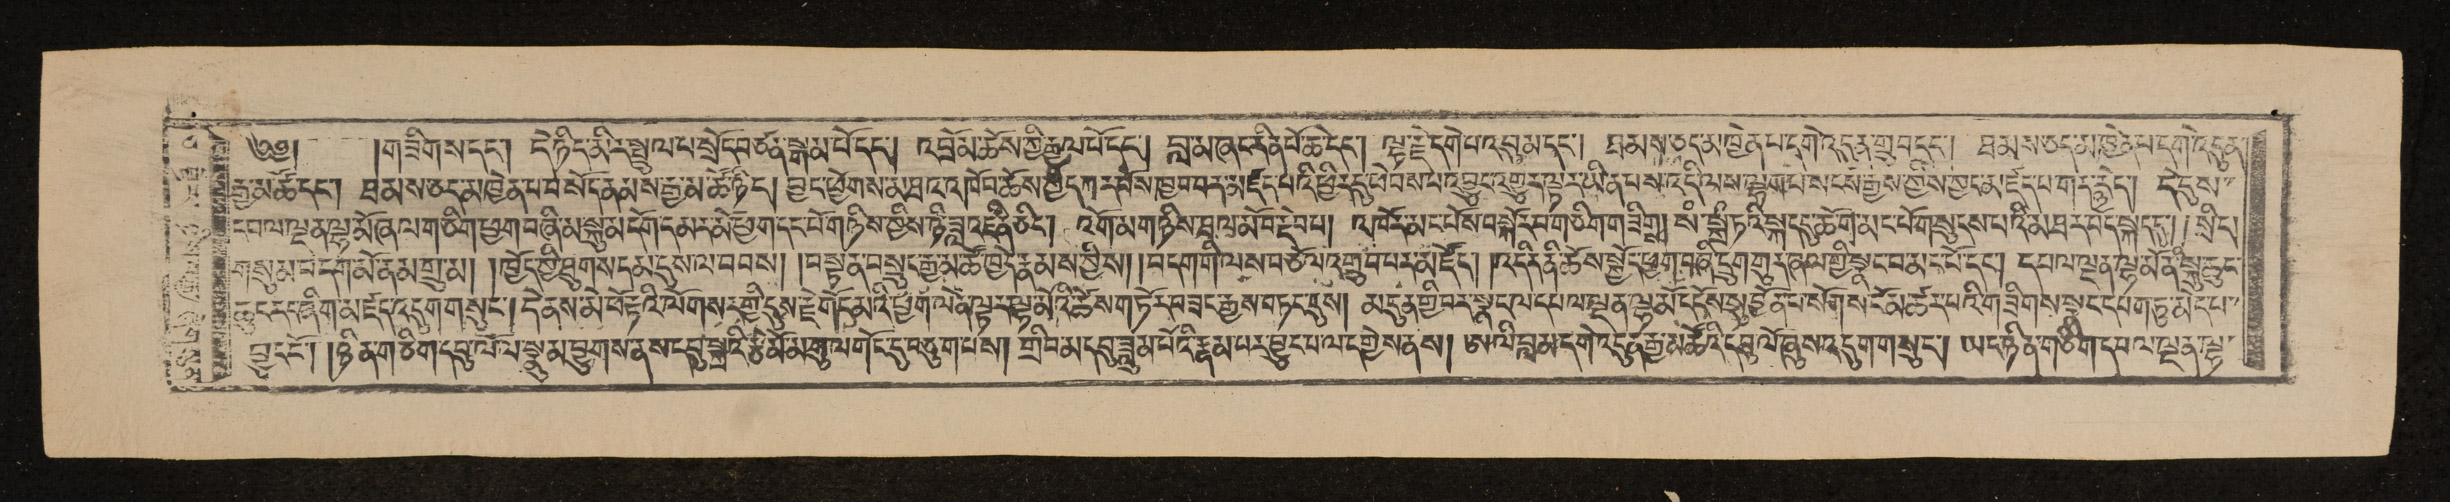༄༅། །གཟིགས་དང་། དེ་ཉིད་མིར་སྤྲུལ་པ་སྲོང་བཙན་སྒམ་པོ་དང་། འབྲོམ་ཆོས་ཀྱི་རྒྱལ་པོ་དང་། བླ་མ་ཞང་རིན་པོ་ཆེ་དང་། ལྷ་རྗེ་དགེ་བ་འབུམ་དང་། ཐམས་ཅད་མཁྱེན་པ་དགེ་འདུན་གྲུབ་དང་། ཐམས་ཅད་མཁྱེན་པ་དགེ་འདུན་
རྒྱ་མཚོ་དང་། ཐམས་ཅད་མཁྱེན་པ་བསོད་ནམས་རྒྱ་མཚོ་ཉིད། བྱང་ཕྱོགས་མཐའ་འཁོབ་ཆོས་ཀྱི་དཀར་པོས་ཁྱབ་པར་མཛད་པའི་ཕྱིར་དུ་ཕེབས་པ་འབྱུང་འགྱུར་ལྟར་ཡིན་པས་འདི་ལས་ལྷག་པ་སངས་རྒྱས་ཀྱིས་ཀྱང་མཛད་པ་གར་རྙེད། དེ་དུས་
དཔལ་ལྡན་ལྷ་མོ་ཞལ་གཅིག་ཕྱག་བཞི་མ་སྐུ་མདོག་དམར་མོ་ཕྱག་དང་པོ་གཉིས་ཀྱིས་ཉི་ཟླ་འཛིན་ཅིང་། འོག་མ་གཉིས་ཐལ་མོ་བརྡེབ་པ། འཁོར་མང་པོས་བསྐོར་བ་གཅིག་གཟིགས། སཾ་སྐྲྀ་ཏའི་སྐད་དུ་ཆོ་ག་མང་པོ་གསུངས་པའི་མཐར་བོད་སྐད་དུ། སྲིད་
གསུམ་བདག་མོ་ནམ་གྲུ་མ། །ཁྱོད་ཀྱི་ཐུགས་དམ་དུས་ལ་བབས། །བསྟན་བསྲུང་རྒྱ་མཚོ་ཁྱེད་རྣམས་ཀྱིས། །བདག་གི་ལས་བཅོལ་འགྲུབ་པར་མཛོད། །འདིར་ནི་ཆོས་སྐྱོང་ཕྱག་བཞི་དྲུག་གུར་ཞལ་གྱི་སྣང་བ་མང་པོ་དང་། དཔལ་ལྡན་ལྷ་མོ་ནི་སྐུ་ཆུང་
ཆུང་རང་ཞིག་མཛད་འདུག་གསུང་། དེ་ནས་མེ་ཕོ་རྟའི་ལོ་གསར་གྱི་དུས་རྗེ་གོང་མའི་ཕྱག་ལེན་ལྟར་ལྷ་མོའི་ཚེས་གཏོར་བཟང་རྒྱས་བཏང་དུས། མདུན་གྱི་བར་སྣང་ལ་དཔལ་ལྡན་ལྷ་མོ་དངོས་སུ་བྱོན་པ་སོགས་ངོ་མཚར་བའི་གཟིགས་སྣང་དཔག་ཏུ་མེད་པ་
བྱུང་ངོ། །ཉིན་གཅིག་དབུ་ལོ་ལ་སྣུམ་བྱུགས་ནས་དབུ་སྐྲའི་རྩེ་མོ་མགུལ་གོང་དུ་བཅུག་པས། གྲིབ་མ་དབུ་ཟླུམ་པོའི་རྣམ་པར་བྱུང་བ་ལ་དགྱེས་ནས། ཨ་ལི་བླ་མ་དགེ་འདུན་རྒྱ་མཚོའི་དབུ་ལོ་ཞུས་འདུག་གསུང་། ཡང་ཉིན་གཅིག་དཔལ་ལྡན་ལྷ་